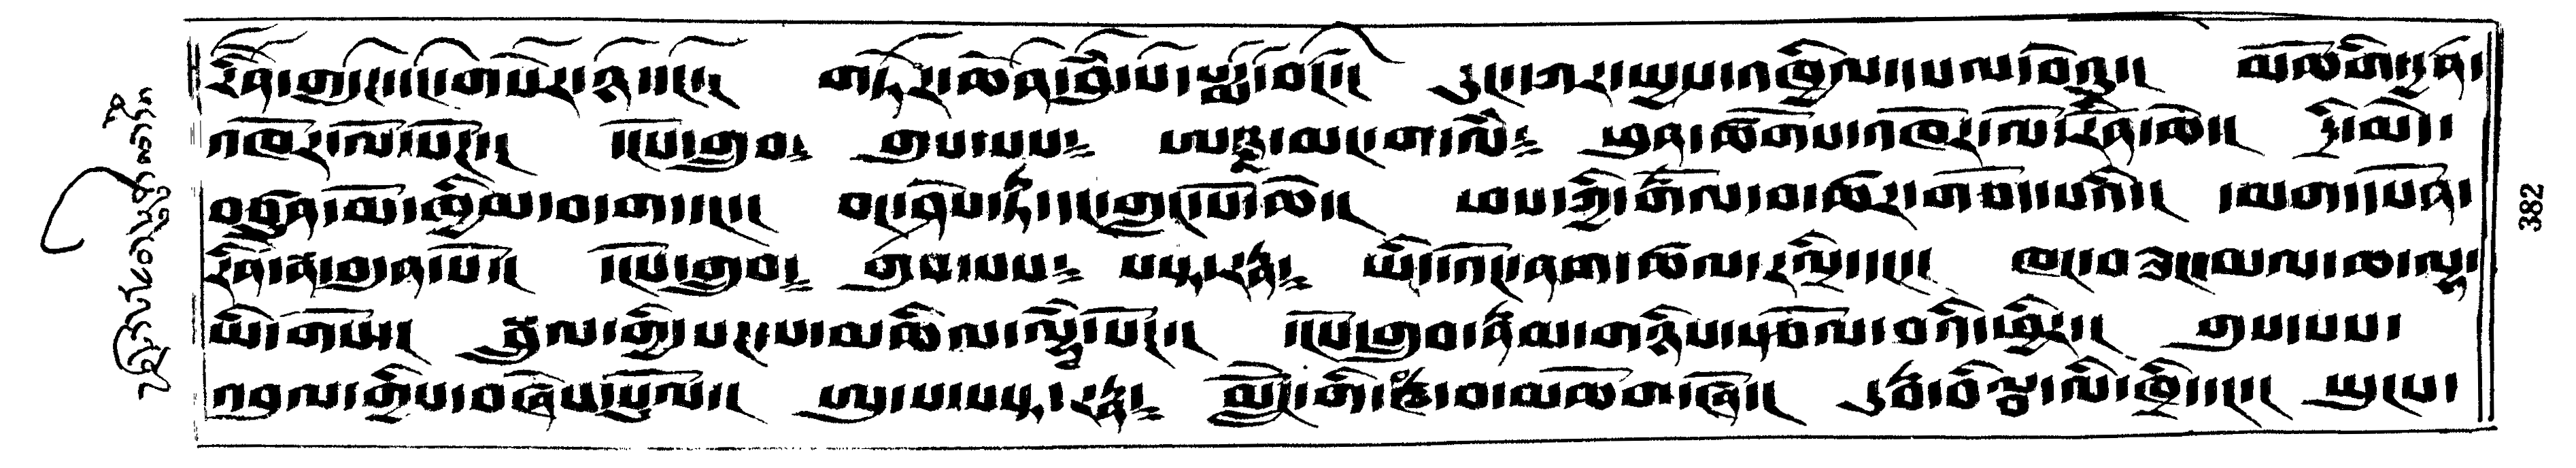རིན་ཆེན་གདུགས་དང་གསེར་ཉ་དང་། །གཏེར་ཆེན་བུམ་པ་པདྨ་བཟང་། །དུང་དཀར་གཡས་འཁྱིལ་དཔལ་བེའུ། །མཆོག་གི་རྒྱལ་མཚན་
འཁོར་ལོ་སོགས། །དངོས་གྲུབ༴ གུས་པས༴ ཨཥྜཱ་མང་ག་ལཾ༴ ཕུན་ཚོགས་འཁོར་ལོ་རིན་པོ་ཆེ། །དྲི་མེད་
བཙུན་མོ་ཁྱིམ་བདག་དང་། །ཅང་ཤེས་རྟ་དང་གླང་པོ་ཆེ། །ཕས་ཀྱི་རྒོལ་བ་ཚར་གཅོད་པའི། །དམག་དཔོན་
རིན་ཆེན་སྣ་བདུན་པོ། །དངོས་གྲུབ༴ གུས་པས༴ སཔྟ་རཏྣ༴ ཡིད་འོང་ནགས་ཚལ་རལ་གྲི་དང་། །ཁང་བཟང་མལ་ཆ་ལྷ་
ཡི་གོས། །སྦྲུལ་གྱི་པགས་པ་མཆིལ་ལྷྭཾ་སོགས། །དངོས་གྲུབ་རྣམ་གཉིས་སྩོལ་བའི་ཕྱིར། །གུས་པས་
འབུལ་གྱིས་བཞེས་སུ་གསོལ། །ཨུ་ས་སཔྟ་རཏྣ༴ མེ་ལོང་གི་ཝཾ་བ་མཆོག་ཞོ། །དུརྦ་བིལྦ་ལི་ཁྲི་དང་། །ཡུངས་